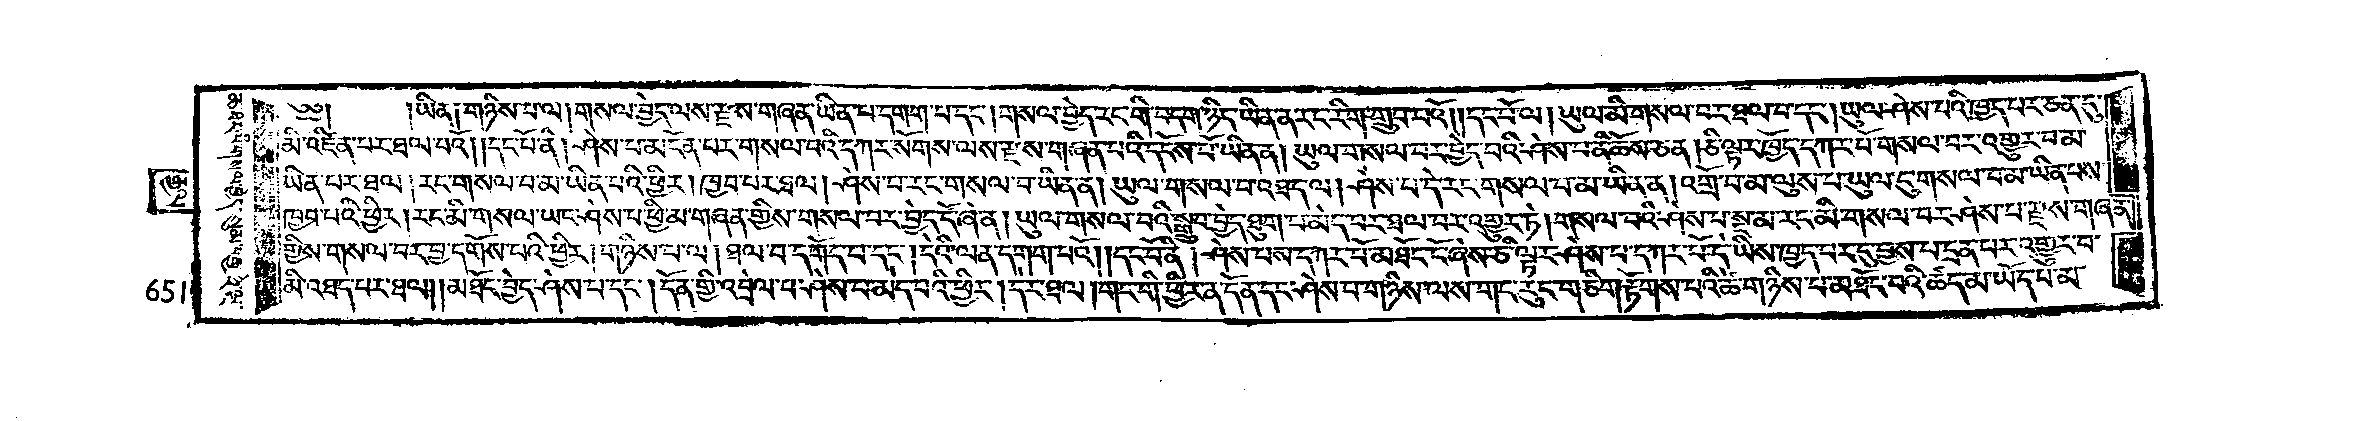༄༅། །ཡིན། གཉིས་པ་ལ། གསལ་བྱེད་ལས་རྫས་གཞན་ཡིན་པ་དགག་པ་དང་། གསལ་བྱེད་རང་གི་བདག་ཉིད་ཡིན་ན་རང་རིག་གྲུབ་པའོ། །དང་པོ་ལ། ཡུལ་མི་གསལ་བར་ཐལ་བ་དང་། ཡུལ་ཤེས་པའི་ཁྱད་པར་ཅན་དུ་
མི་འཛིན་པར་ཐལ་པའོ། །དང་པོ་ནི། ཤེས་པ་མངོན་པར་གསལ་བའི་དཀར་སོགས་ལས་རྫས་གཞན་པའི་དངོས་པོ་ཡིན་ན། ཡུལ་གསལ་བར་བྱེད་པའི་ཤེས་པ་ནི་ཆོས་ཅན། ཅི་ལྟར་ཁྱོད་དཀར་པོ་གསལ་བར་འགྱུར་བ་མ་
ཡིན་པར་ཐལ། རང་གསལ་བ་མ་ཡིན་པའི་ཕྱིར། ཁྱབ་པར་ཐལ། ཤེས་པ་རང་གསལ་བ་ཡིན་ན། ཡུལ་གསལ་བ་འཐད་ལ། ཤེས་པ་དེ་རང་གསལ་བ་མ་ཡིན་ན། འགྲོ་བ་མ་ལུས་པ་ཡུལ་དུ་གསལ་བ་མ་ཡིན་པས་
ཁྱབ་པའི་ཕྱིར། རང་མི་གསལ་ཡང་ཤེས་པ་ཕྱི་མ་གཞན་གྱིས་གསལ་བར་བྱེད་དོ་ཞེ་ན། ཡུལ་གསལ་བའི་སྒྲུབ་བྱེད་ཐུག་པ་མེད་པར་ཐལ་བར་འགྱུར་ཏེ། གསལ་བའི་ཤེས་པ་སྔ་མ་རང་མི་གསལ་བར་ཤེས་པ་རྫས་གཞན་
གྱིས་གསལ་བར་བྱ་དགོས་པའི་ཕྱིར། གཉིས་པ་ལ། ཐལ་བ་དགོད་པ་དང་། དེའི་ལན་དགག་པའོ། །དང་པོ་ནི། ཤེས་པས་དཀར་པོ་མཐོང་ངོ་ཞེས་ཅི་ལྟར་ཤེས་པ་དཀར་པོ་དེ་ཡིས་ཁྱད་པར་དུ་བྱས་པ་དྲན་པར་འགྱུར་བ་
མི་འཐད་པར་ཐལ། །མཐོང་བྱེད་ཤེས་པ་དང་། དོན་གྱི་འབྲེལ་བ་ཤེས་པ་མེད་པའི་ཕྱིར། དེར་ཐལ། གང་གི་ཕྱིར་ན་དོན་དང་ཤེས་པ་གཉིས་ལས་གང་རུང་གཅིག་རྟོགས་པའི་ཚེ་གཉིས་པ་མཐོང་བའི་ཚད་མ་ཡོད་པ་མ་